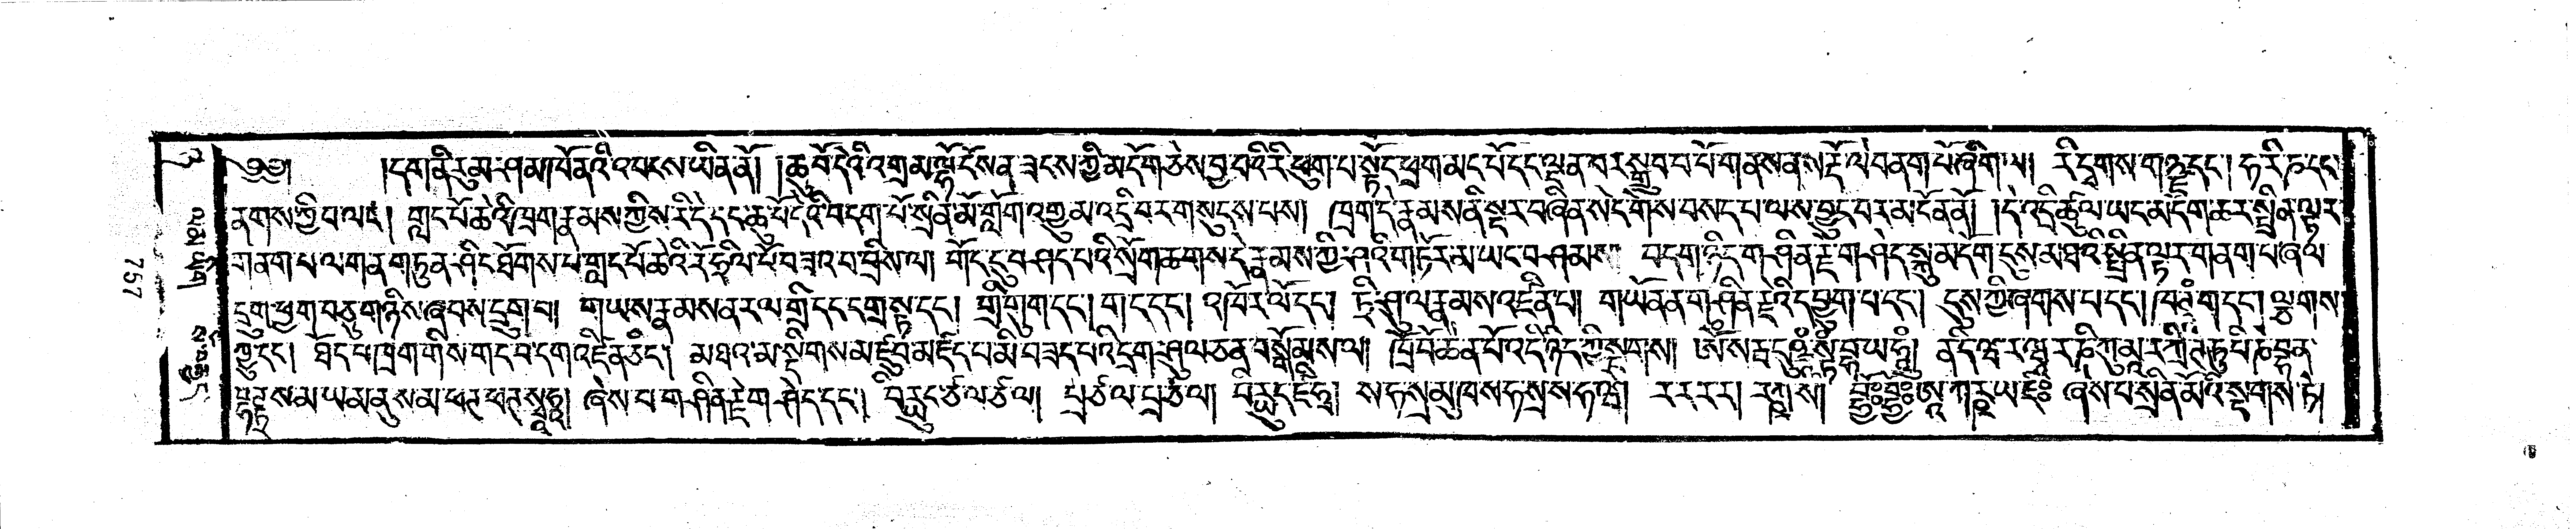༄༅། །དག་ནི་རུམ་ཤམ་ཁོན་ནའི་འབངས་ཡིན་ནོ། །ཆུ་བོ་དེའི་འགྲམ་ལྷོ་ངོས་ན་ཟངས་ཀྱི་མདོག་ཅེས་བྱ་བའི་རི་ཕུག་པ་སྟོང་ཕྲག་མང་པོ་དང་ལྡན་བར་སྒྲུབ་པ་པོ་གནས་ནས་རྡོ་ལེ་བ་ནག་པོ་ཞིག་ལ། རི་དྭགས་གཉྫ་དང་། ཧ་རི་ཎ་དང་
ནགས་ཀྱི་བ་ལང་། གླང་པོ་ཆེའི་ཁྲག་རྣམས་ཀྱིས་རི་དེ་དང་ཅུ་བོ་དེའི་བདག་པོ་སྲིན་མོ་གློག་འགྱུ་མ་འདྲི་བར་གསུངས་པས། ཁྲག་དེ་རྣམས་ནི་སྔར་བཞིན་སེང་གེས་བསད་པ་ལས་བྱུང་བར་མངོན་ནོ། །དེ་འདྲི་ཚུལ་ཡང་མདོགས་ཆར་སྤྲིན་ལྟར་
གནག་པ་ལག་ན་གཏུན་ཤིང་ཐོགས་པ་གླང་པོ་ཆེའི་རོ་ཧྲིལ་པོ་བཟའ་བ་བྲིས་ལ། གོང་དུ་བཤད་པའི་སྲོག་ཆགས་དེ་རྣམས་ཀྱི་ཤའི་གཏོར་མ་ཡང་བཤམས། བདག་ཉིད་གཤིན་རྗེ་གཤེད་སྐུ་མདོག་དུས་མཐའི་སྤྲིན་ལྟར་གནག་པ་ཞལ་
དྲུག་ཕྱག་བཅུ་གཉིས་ཞབས་དྲུག་པ། གཡས་རྣམས་ནར་ལ་གྲི་དང་དགྲ་སྟ་དང་། གྲི་གུག་དང་། གང་དང་། འཁོར་ལོ་དང་། ཏྲི་ཤུ་ལ་རྣམས་འཛིན་པ། གཡོན་ན་གཤིན་རྗེའི་དབྱུག་པ་དང་། དུས་ཀྱི་ཞགས་པ་དང་། ཁྲ་ཊྭཱཾ་ག་དང་། ལྕགས་
ཀྱུ་དང་། ཐོད་པ་ཁྲག་གིས་གང་བ་དག་འཛིན་ཅིང་། མཐའ་མ་སྡིགས་མཛུབ་མཛད་པ་མི་བཟད་པའི་དྲག་ཤུལ་ཅན་བསྒོམས་ལ། ཁྲོ་བོ་ཆེན་པོ་འདི་ཉིད་ཀྱི་སྔགས། ཨོཾ་སརྦ་དུ་ཥྚཾ་སྟཾ་བྷ་ཡ་ཧཱུཾ། ནིད་ཝ་ར་ཝཱ་ར་ཎི་ཀུ་མཱ་ར་ཀྲི་ཊ་ཏུ་པི་ཎེ་བྷན་
བྷཊྟྲ་ས་མ་ཡ་མ་ནུས་མ་ཕཊ་ཕཊ་སྭཱ་ཧཱ། ཞེས་པ་གཤིན་རྗེ་གཤེད་དང་། བརྱུང་ཙ་ལ་ཙ་ལ། པྲ་ཙ་ལ་པྲ་ཙ་ལ། བིརྱུད་ཛི་ཧྭ། ས་ཏ་སྲ་མུ་ཁ་ས་ཧ་སྲ་ཤ་ཧ་ཝེ། ར་ར་ར་ར། རཀྵ་སཾ། བྷྱོཿ བྷྱོཿ ཨཱ་ཀརྵ་ཡ་ཛཿ ཞེས་པ་སྲིན་མོའི་སྔགས་ཏེ།